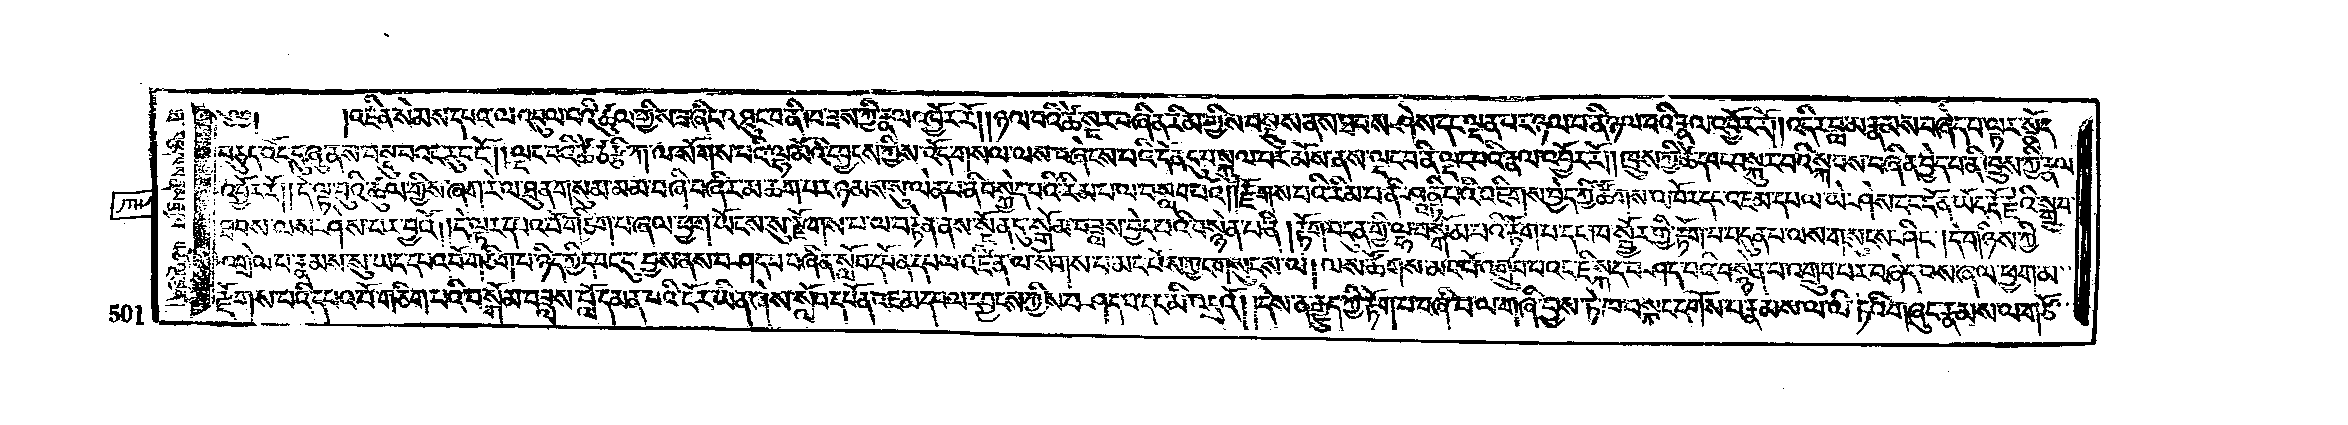༄༅། །འཛིན་སེམས་དཔའ་ལ་འབུལ་བའི་ཚུལ་གྱིས་ཟ་ཞིང་འཐུང་བ་ནི་ཁ་ཟས་ཀྱི་རྣལ་འབྱོར་རོ། །ཉལ་བའི་ཚེ་སྔར་བཞིན་རིམ་གྱིས་བསྡུས་ནས་ཐབས་ཤེས་དང་ལྡན་པར་ཉལ་བ་ནི་ཉལ་བའི་རྣལ་འབྱོར་རོ། །འདིར་བླ་མ་རྣམས་བཞེད་པ་ལྟར་སྣོད་
བཅུད་འོད་དུ་ཞུ་ནས་བསྡུ་བའང་རུང་ངོ། །ལྡང་བའི་ཚེ་ཙྲྩི་ཀ་ལ་སོགས་པའི་ལྷ་མོའི་དབྱངས་ཀྱིས་འོད་གསལ་ལས་བཞེངས་པའི་དོན་དུ་བསྐུལ་བར་མོས་ནས་ལྡང་བ་ནི་ལྡང་བའི་རྣལ་འབྱོར་རོ། །ཁྲུས་ཀྱི་ཚེ་དབང་བསྐུར་བའི་སྐབས་བཞིན་བྱེད་པ་ནི་ཁྲུས་ཀྱི་རྣལ་
འབྱོར་རོ། །དེ་ལྟ་བུའི་ཚུལ་གྱིས་ཞག་རེ་ལ་ཐུན་གསུམ་མམ་བཞི་བཞིར་མ་ཆག་པར་ཉམས་སུ་ལེན་པ་ནི་བསྐྱེད་པའི་རིམ་པ་ལ་བསླབ་པའོ། །རྫོགས་པའི་རིམ་པ་ནི་ཤཱནྟི་པའི་འཇིགས་བྱེད་ཀྱི་ཚོགས་འཁོར་དང་འཇམ་དཔལ་ཡེ་ཤེས་དང་དོན་ཡོད་རྡོ་རྗེའི་སྒྲུབ་
ཐབས་ལས་ཤེས་པར་བྱའོ། །དེ་ལྟར་དཔའ་བོ་གཅིག་པ་ཞལ་ཕྱག་ཡོངས་སུ་རྫོགས་པ་ལ་བརྟེན་ནས་སྔོན་དུ་སྒོམ་བཟླས་བྱེད་པའི་བསྙེན་པ་ནི། རྟོག་བདུན་གྱི་ལྷ་བསྒོམ་པའི་རྟོག་པ་དང་ཁ་སྦྱོར་གྱི་རྟོག་པ་བདུན་པ་ལས་གསུངས་ཤིང་། དེ་གཉིས་ཀྱི་
འགྲེལ་པ་རྣམས་སུ་ཡང་དཔའ་བོ་གཅིག་པ་ཉིད་ཀྱི་དབང་དུ་བྱས་ནས་བཤད་པ་བཞིན་སློབ་དཔོན་དཔལ་འཛིན་ལ་སོགས་པ་མང་པོས་ཀྱང་གསུངས་ལ། ལས་ཚོགས་མང་པོ་འགྲུབ་པའང་ཇི་སྐད་བཤད་པའི་བསྙེན་པ་འགྲུབ་པར་བཞེད་པས་ཞལ་ཕྱག་མ་
རྫོགས་པའི་དཔའ་བོ་གཅིག་པའི་བསྒོམ་བཟླས་བློ་དམན་པའི་ངོར་ཡིན་ཞེས་སློབ་དཔོན་འཇམ་དཔལ་དབྱངས་ཀྱིས་བཤད་པ་དང་མི་འདྲའོ། །དེས་ན་རྒྱུད་ཀྱི་རྟོག་པ་བཞི་པ་ལ་གཞི་བྱས་ཏེ་ཁ་བསྐང་དགེས་པ་རྣམས་ལ་ལི་ཏའི་གཞུང་རྣམས་ལ་གཙོ་